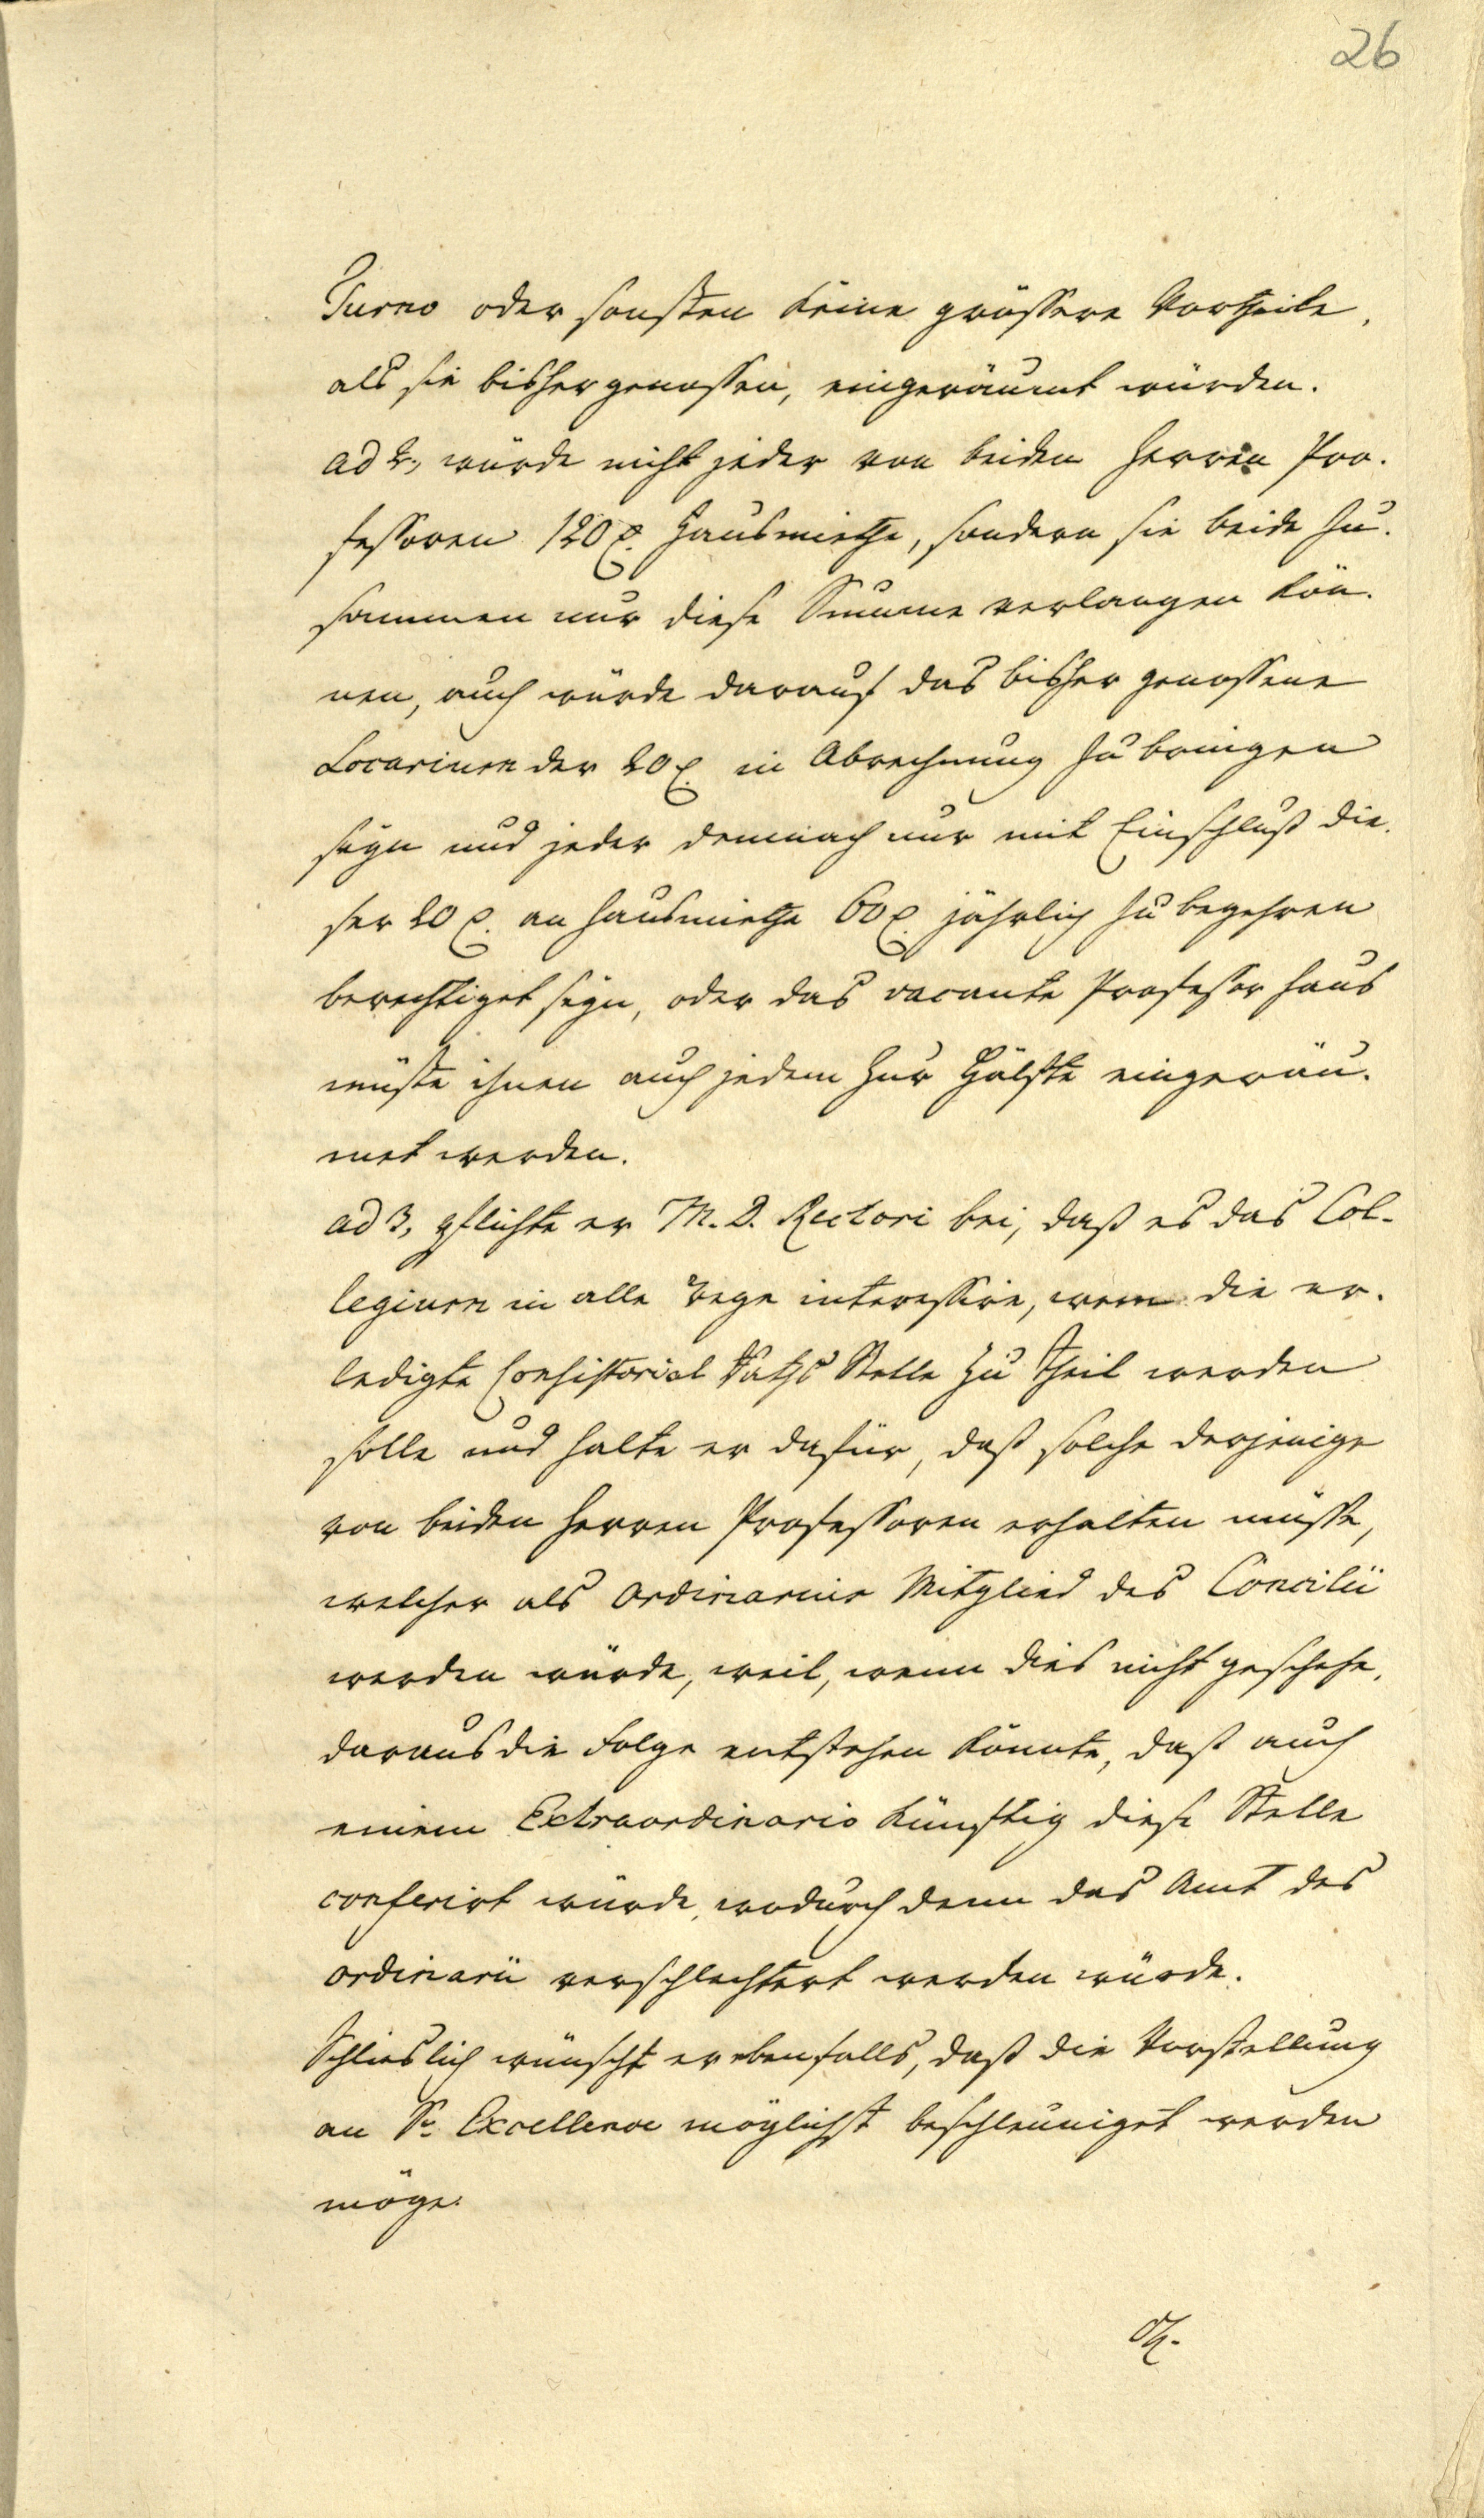Turno oder sonsten keine grössere Vortheile
als die bisher genossen, eingeräumt würden.
ad 2., würde nicht jeder von beiden herren Pro
fessoren 120 l. Hausmiethe, sondern sie beide zu¬
sammen nur diese Summe verlangen kön¬
nen, auch würde darauf das bisher genossene
Locarium der 20 l. in Abrechnung zu bringen
seÿn und jeder demnach nur mit Einschluß die¬
ser 20 l. an hausmiethe 60 l. jährlich zu begehren
berechtiget seÿn, oder das vacante Professorhaus
müste ihnen auch jedem zur Hälfte eingeräu¬
met werden.
ad 3., pflichte er M. D. Rectori bei, daß es das Col¬
legium in alle Wege interessire, wem die er¬
ledigte Consistorial Raths Stelle zu Theil werden
solle und halte er dafür, daß solche derjenige
von beiden herren Professoren erhalten müsse,
welcher als ordinarius Mitglied des Concilii
werden würde, weil, wenn dies nicht geschehe,
daraus die Folge entstehen könnte, daß auch
einem Extraordinario künftig diese Stelle
conferirt würde, wodurch denn das Amt des
ordinarii verschlechtert werden würde.
Schlieslich wünscht er ebenfalls, daß die Vorstellung
an Sr. Excellence möglichst beschleuniget werden
möge.
dh.